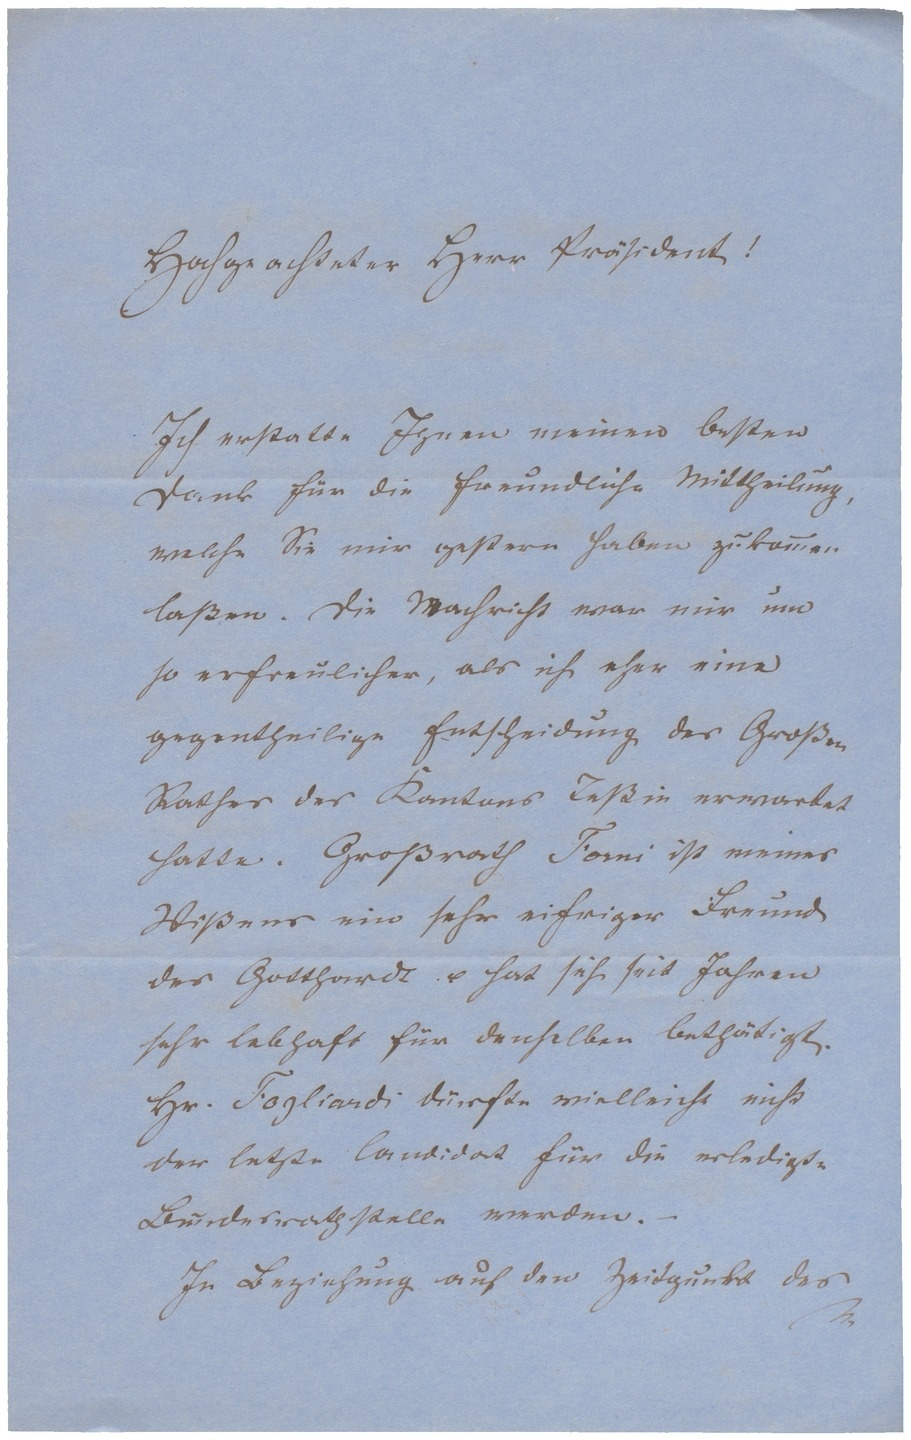Hochgeachteter Herr Präsident!
Ich erstatte Ihnen meinen besten
Dank für die freundliche Mittheilung,
welche Sie mir gestern haben zukommen
laßen. Die Nachricht war mir um
so erfreulicher, als ich eher eine
gegentheilige Entscheidung des Großen
Rathes des Kantons Teßin erwartet
hatte. Großrath Forni ist meines
Wißens ein sehr eifriger Freund
des Gotthardt & hat sich seit Jahren
sehr lebhaft für denselben bethätigt.
Hr. Fogliardi dürfte vielleicht nicht
der letzte Candidat für die erledigte
Bundesrathstelle werden. –
In Beziehung auf den Zeitpunkt des